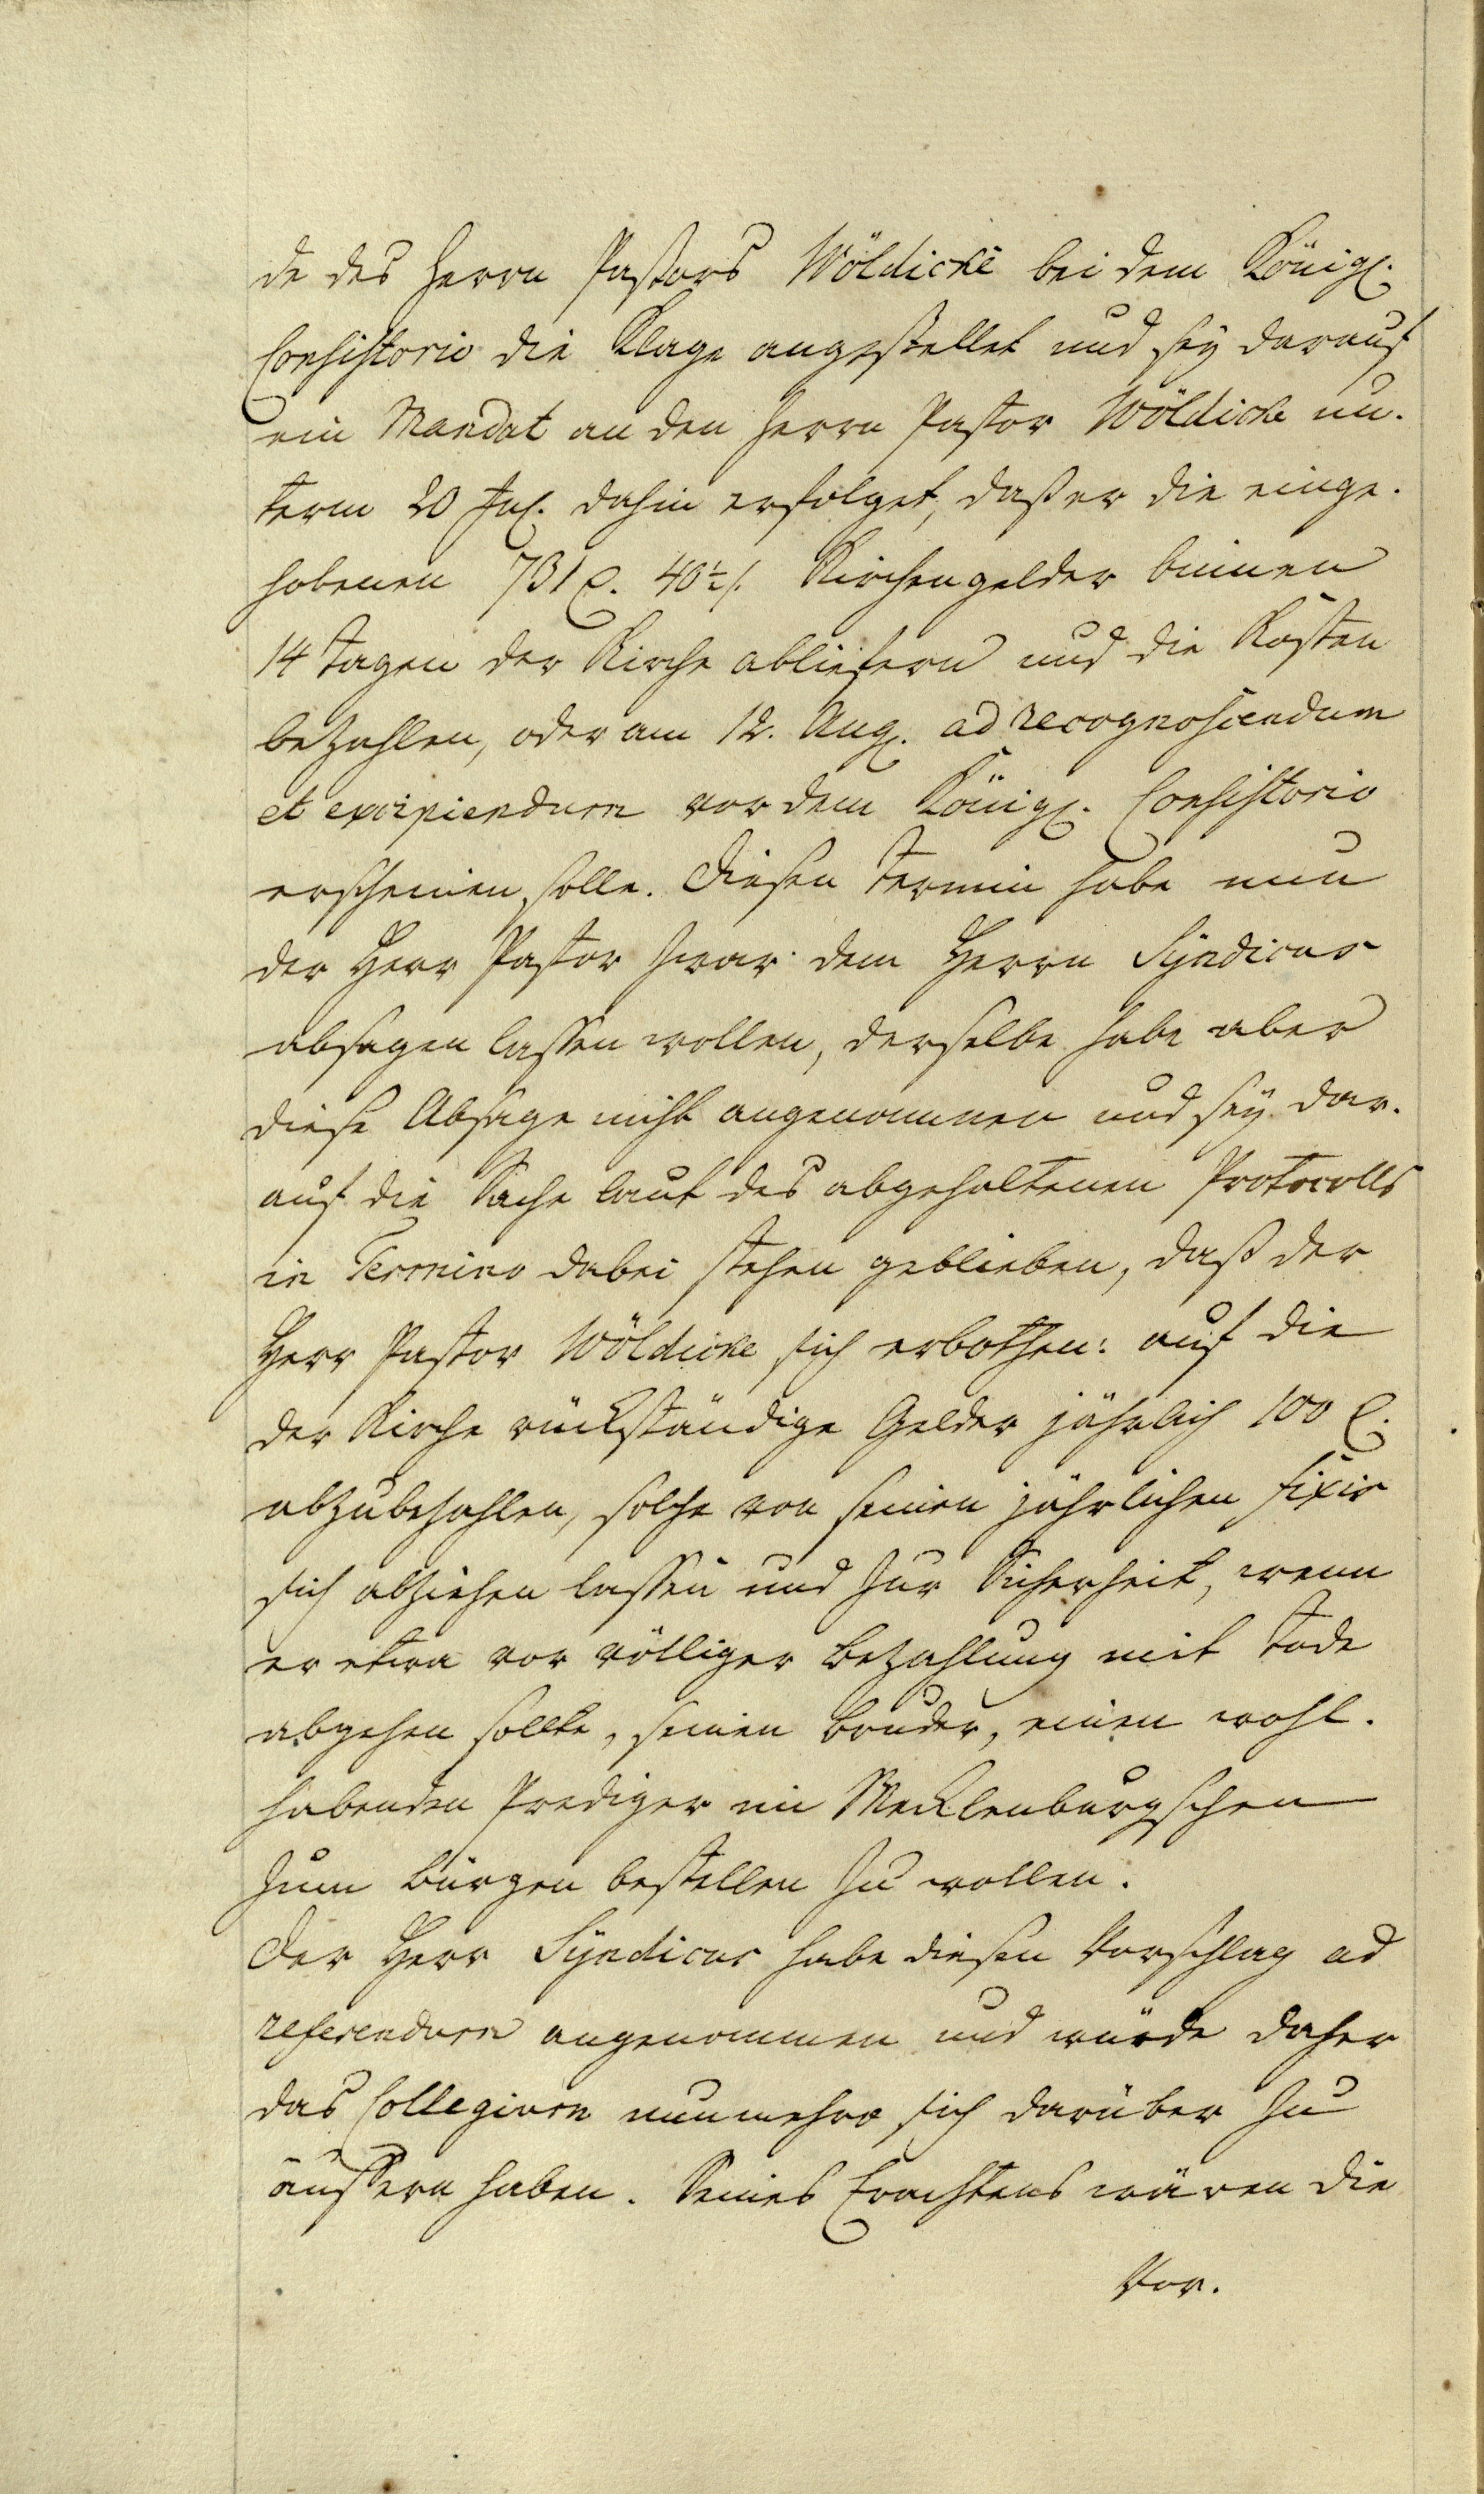de der Herrn Pastors Wöldicke bei dem Königl.
Consistorio die Klage angestellet und seÿ darauf
ein Mandat an den Herrn Pastor Wöldicke un¬
term 20 Jul., dahin erfolget, daß er die einge¬
hobenen 731 l. 40½ s. Kirchengelder binnen
14 Tagen der Kirche abliefern und die Kosten
bezahlen, oder am 12. Aug. ad recognoscendum
et excipiendum vor dem Königl. Consistorio
erscheinen solle. Diesen Termin habe nun
der Herr Pastor zwar dem Herrn Sÿndicus
absagen lassen wollen, derselbe habe aber
diese Absage nicht angenommen und seÿ dar¬
auf die Sache laut des abgehaltenen Protocolls
in Termino dabei stehen geblieben, daß der
Herr Pastor Wöldicke sich erbothen: auf die
der Kirche rückständigen Gelder jährlich 100 l.
abzubezahlen, solche von seinen jährlichen Fixis
sich abziehen lassen und zur Sicherheit, wenn
er etwa vor völliger Bezahlung mit Tode
abgehen sollte, seinen Bunder, einen wohl¬
habenden Prediger im Mecklenburgschen
zum Bürgen bestellen zu wollen.
Der Herr Sÿndicus habe diesen Vorschlag ad
referendum angenommen und würde daher
das Collegium nunmehro sich darüber zu
äussern haben. Seines Erachtens wären die
Vor¬